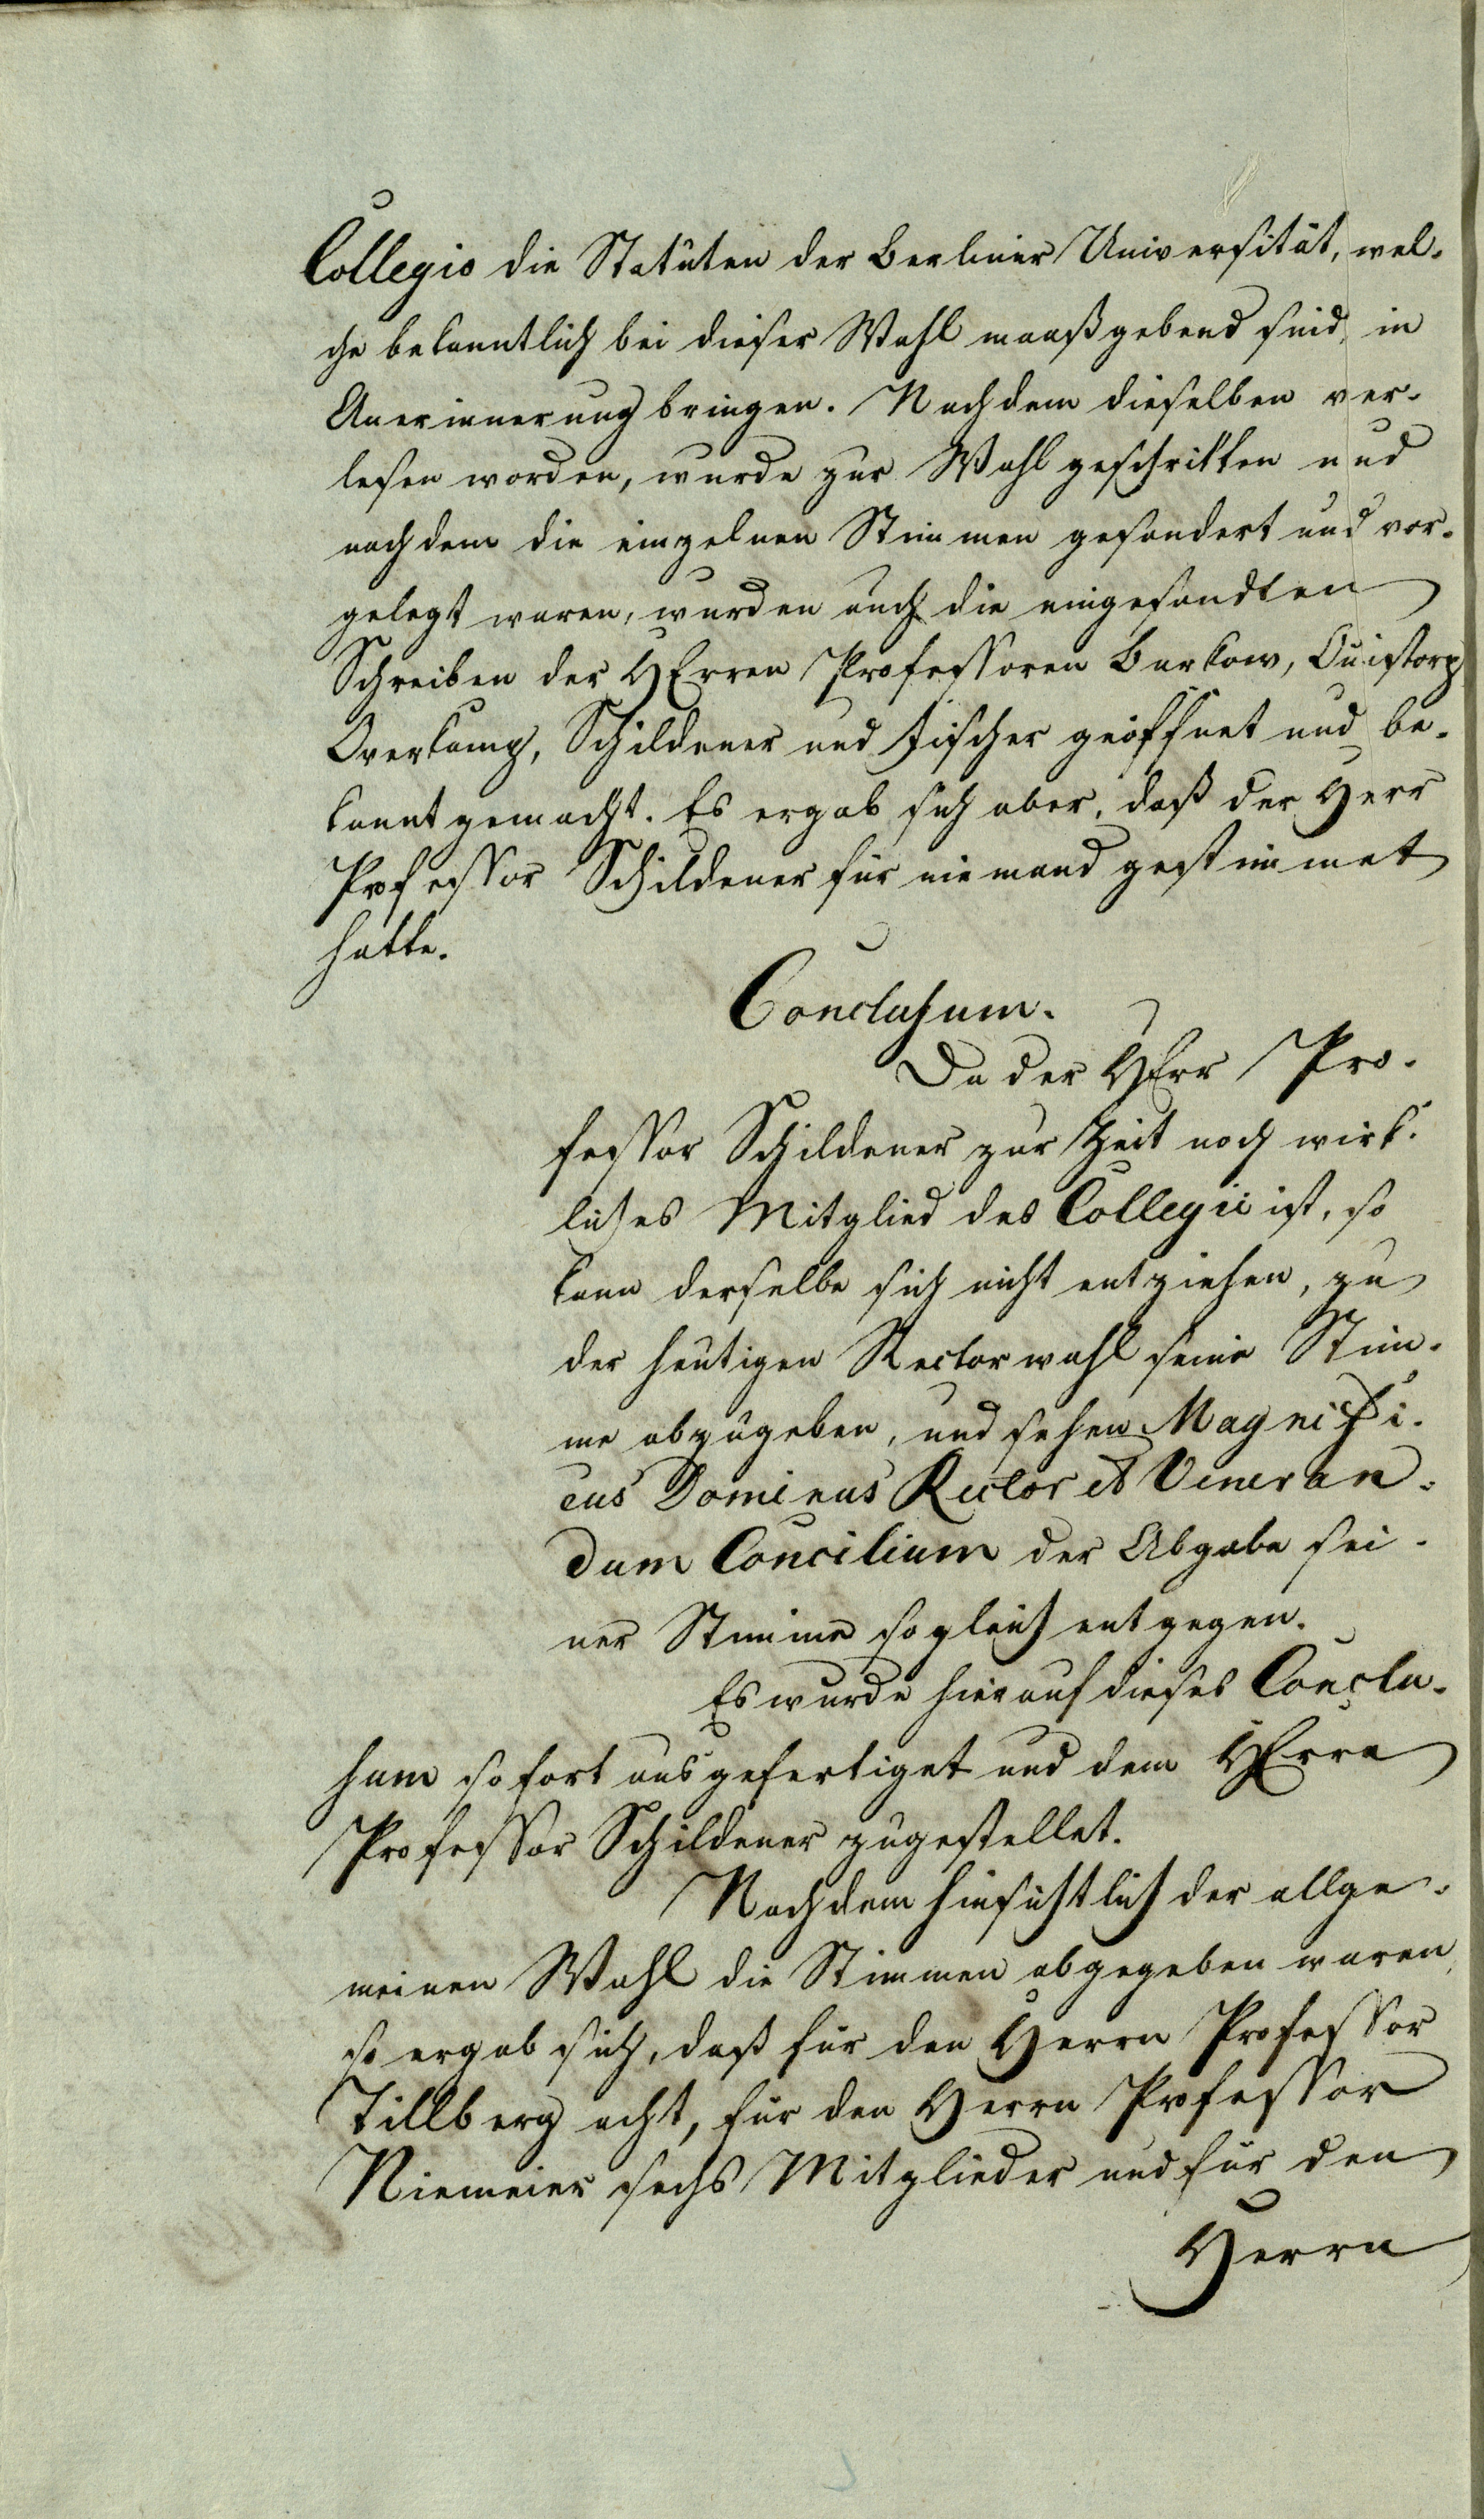Collegio die Statuten der Berliner Universität, wel¬
che bekanntlich bei dieser Wahl maaßgebend sind, in
Anerinnerung bringen. Nachdem dieselben ver¬
lesen worden, wurde zur Wahl geschritten und
nachdem die einzelnen Stimmen gesondert und vor¬
gelegt waren, wurden auch die eingesandten
Schreiben der HErren Professoren Barkow, Quistorp
Overkamp, Schildener und Fischer geöffnet und be¬
kannt gemacht.Es ergab sich aber, daß der Herr
Professor Schildener für niemand gestimmt
hatte.
Conclusum:
Da der HErr Pro¬
fessor Schildener zur Zeit noch wirk¬
liches Mitglied des Collegii ist, so
kann derselbe sich nicht entziehen, zu
der heutigen Rectorwahl seine Stim¬
me abgzugeben, und sehen Magnifi¬
cus Dominus Rector et Veneran¬
dum Concilium der Abgabe sei¬
ner Stimme sogleich entgegen.
Es wurde hierauf dieses Conclu¬
sum sofort ausgefertiget und dem Herrn
Professor Schildener zugestellet.
Nachdem hinsichtlich der allge¬
meinen Wahl die Stimmen abgegeben waren,
so ergab sich, daß für den Herrn Professor
Tillberg, acht, für den Herrn Professor
Niemeier sechs Mitglieder und für den
Herrn